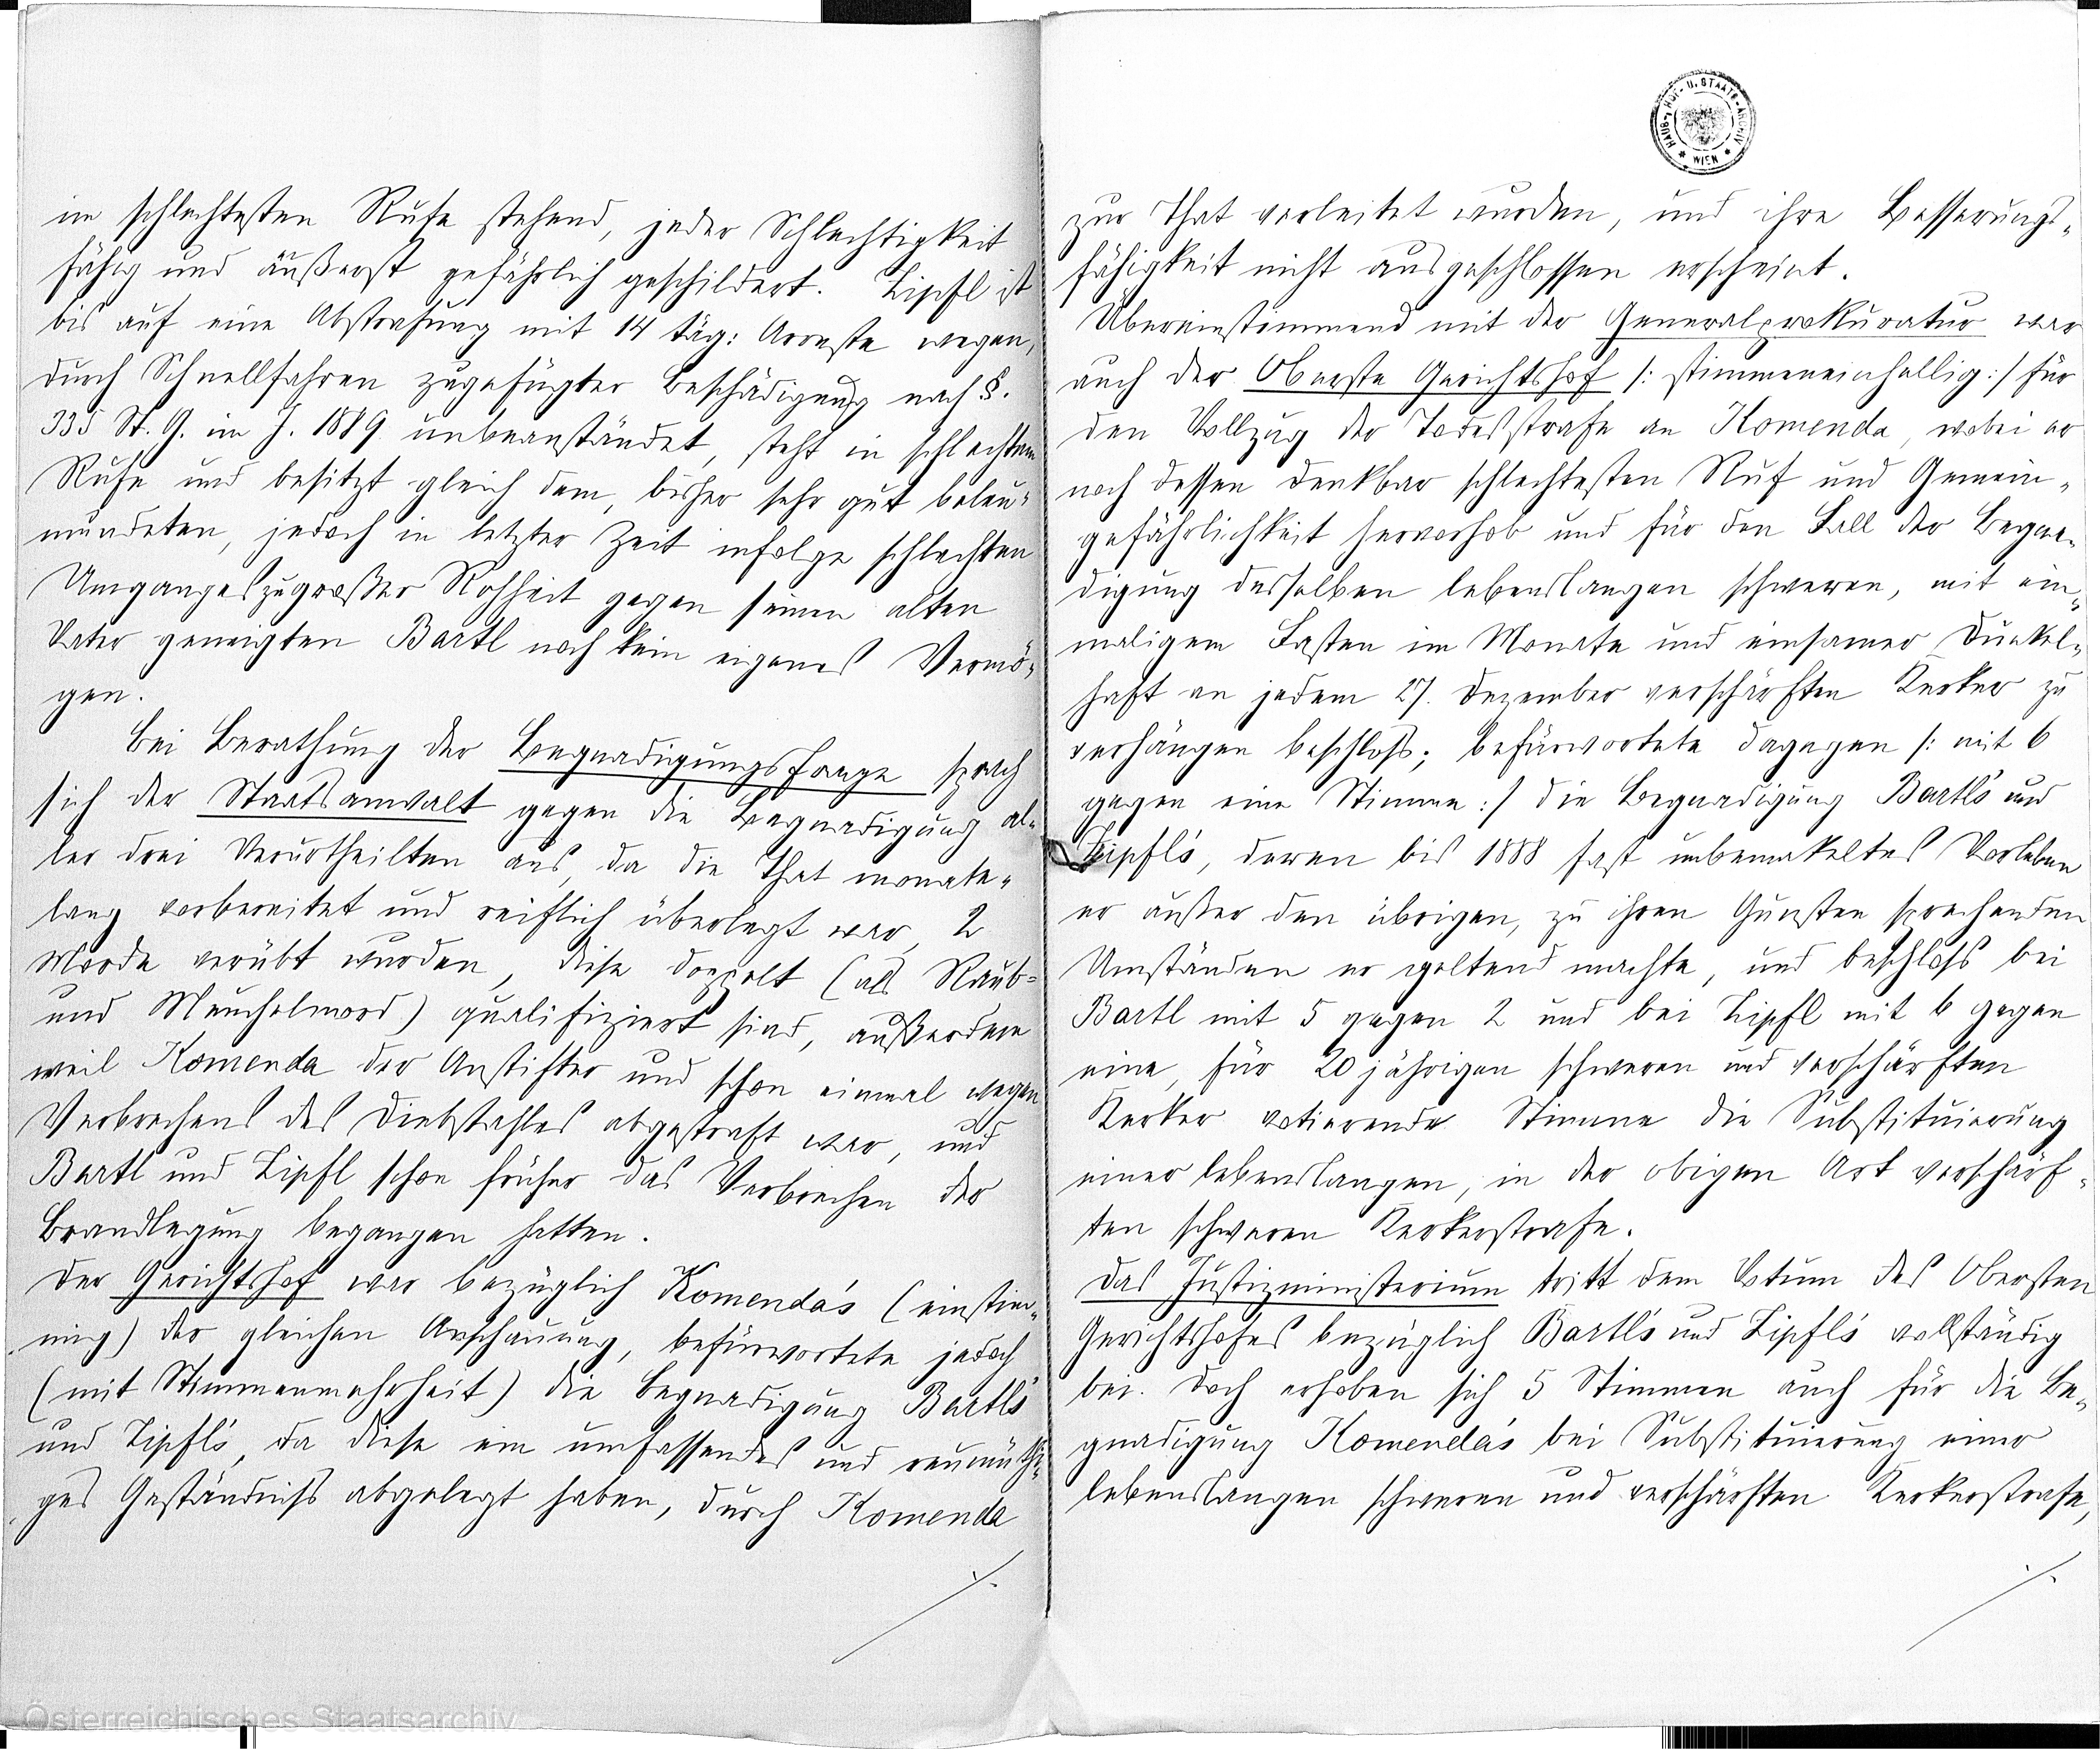im schlechtesten Rufe stehend, jeder Schlechtigkeit
fähig und äußerst gefährlich geschildert. Zipfl ist
bis auf eine Abstrafung mit 14 täg: Arreste wegen,
durch Schnellfahren zugefügter Beschädigung nach §.
335 St. G. im J. 1889 unbeanständet, steht in schlechtem
Rufe und besitzt gleich dem, bisher sehr gut beleu¬
mundeten, jedoch in letzter Zeit infolge schlechten
Umganges zu großer Rohheit gegen seinen alten
Vater geneigten Bartl noch kein eigenes Vermö¬
gen.
Bei Berathung der Begnadigungsfrage sprach
sich der Staatsanwalt gegen die Begnadigung al¬
ler drei Verurtheilten aus, da die That monate¬
lang vorbereitet und reiflich überlegt war, 2
Morde verübt wurden, diese doppelt (als Raub-
und Meuchelmord) qualifiziert sind, außerdem
weil Komenda der Anstifter und schon, einmal wegen
Verbrechens des Diebstahles abgestraft war, und
Bartl und Zipfl schon früher das Verbrechen der
Brandlegung begangen hatten.
Der Gerichtshof war bezüglich Komendás (einstim¬
mig) der gleichen Anschauung, befürwortete jedoch
(mit Stimmenmehrheit) die Benadigung Bartl's
und Tipfl's, da diese ein unfassendes und reumüthi¬
ges Geständniss abgelegt haben, durch Komenda
zur That verleitet wurden, und ihre Besserungs¬
fähigkeit nicht ausgeschlossen erscheint.
Übereinstimmend mit der Generalprokuratur war
auch der Oberste Gerichtshof /: stimmeneinhellig :/ für
den Vollzug der Todesstrafe an Komenda, wobei er
noch dessen denkbar schlechtesten Ruf und Gemein¬
gefährlichkeit hervorhob und für den Fall der Begna¬
digung desselben lebenslangen schweren, mit ein¬
maligem Festen im Monate und einsamer Dünkel¬
haft an jedem 27. Dezember verschärften Kerker zu
verhängen beschloss; befürwortete dagegen /: mit 6
gegen eine Stimme :/ die Begnadigung Bartl's und
Zipfl's, deren bis 1888 fast unbemakeltes Vorleben
er außer den übrigen, zu ihren xxrsten sprechenden
Umständen er geltend machte, und beschloss bei
Bartl mit 5 gegen 2 und bei Zipfl mit 6 gegen
eine, für 20jährigen schweren und verschärften
Kerker votierende Stimme die Substituierung
einer lebenslangen, in der obigen Art verschärf¬
ten schweren Kerkerstrafe.
Das Justizministerium tritt dem Votum des Obersten
Gerichtshofes bezüglich Bartl's und Zipfl's vollständig
bei. Doch erhoben sich 5 Stimmen auch für de Be¬
gnadigung Komendás bei Substituierung einer
lebenlangen schweren und verschärften Kerkerstrafe,